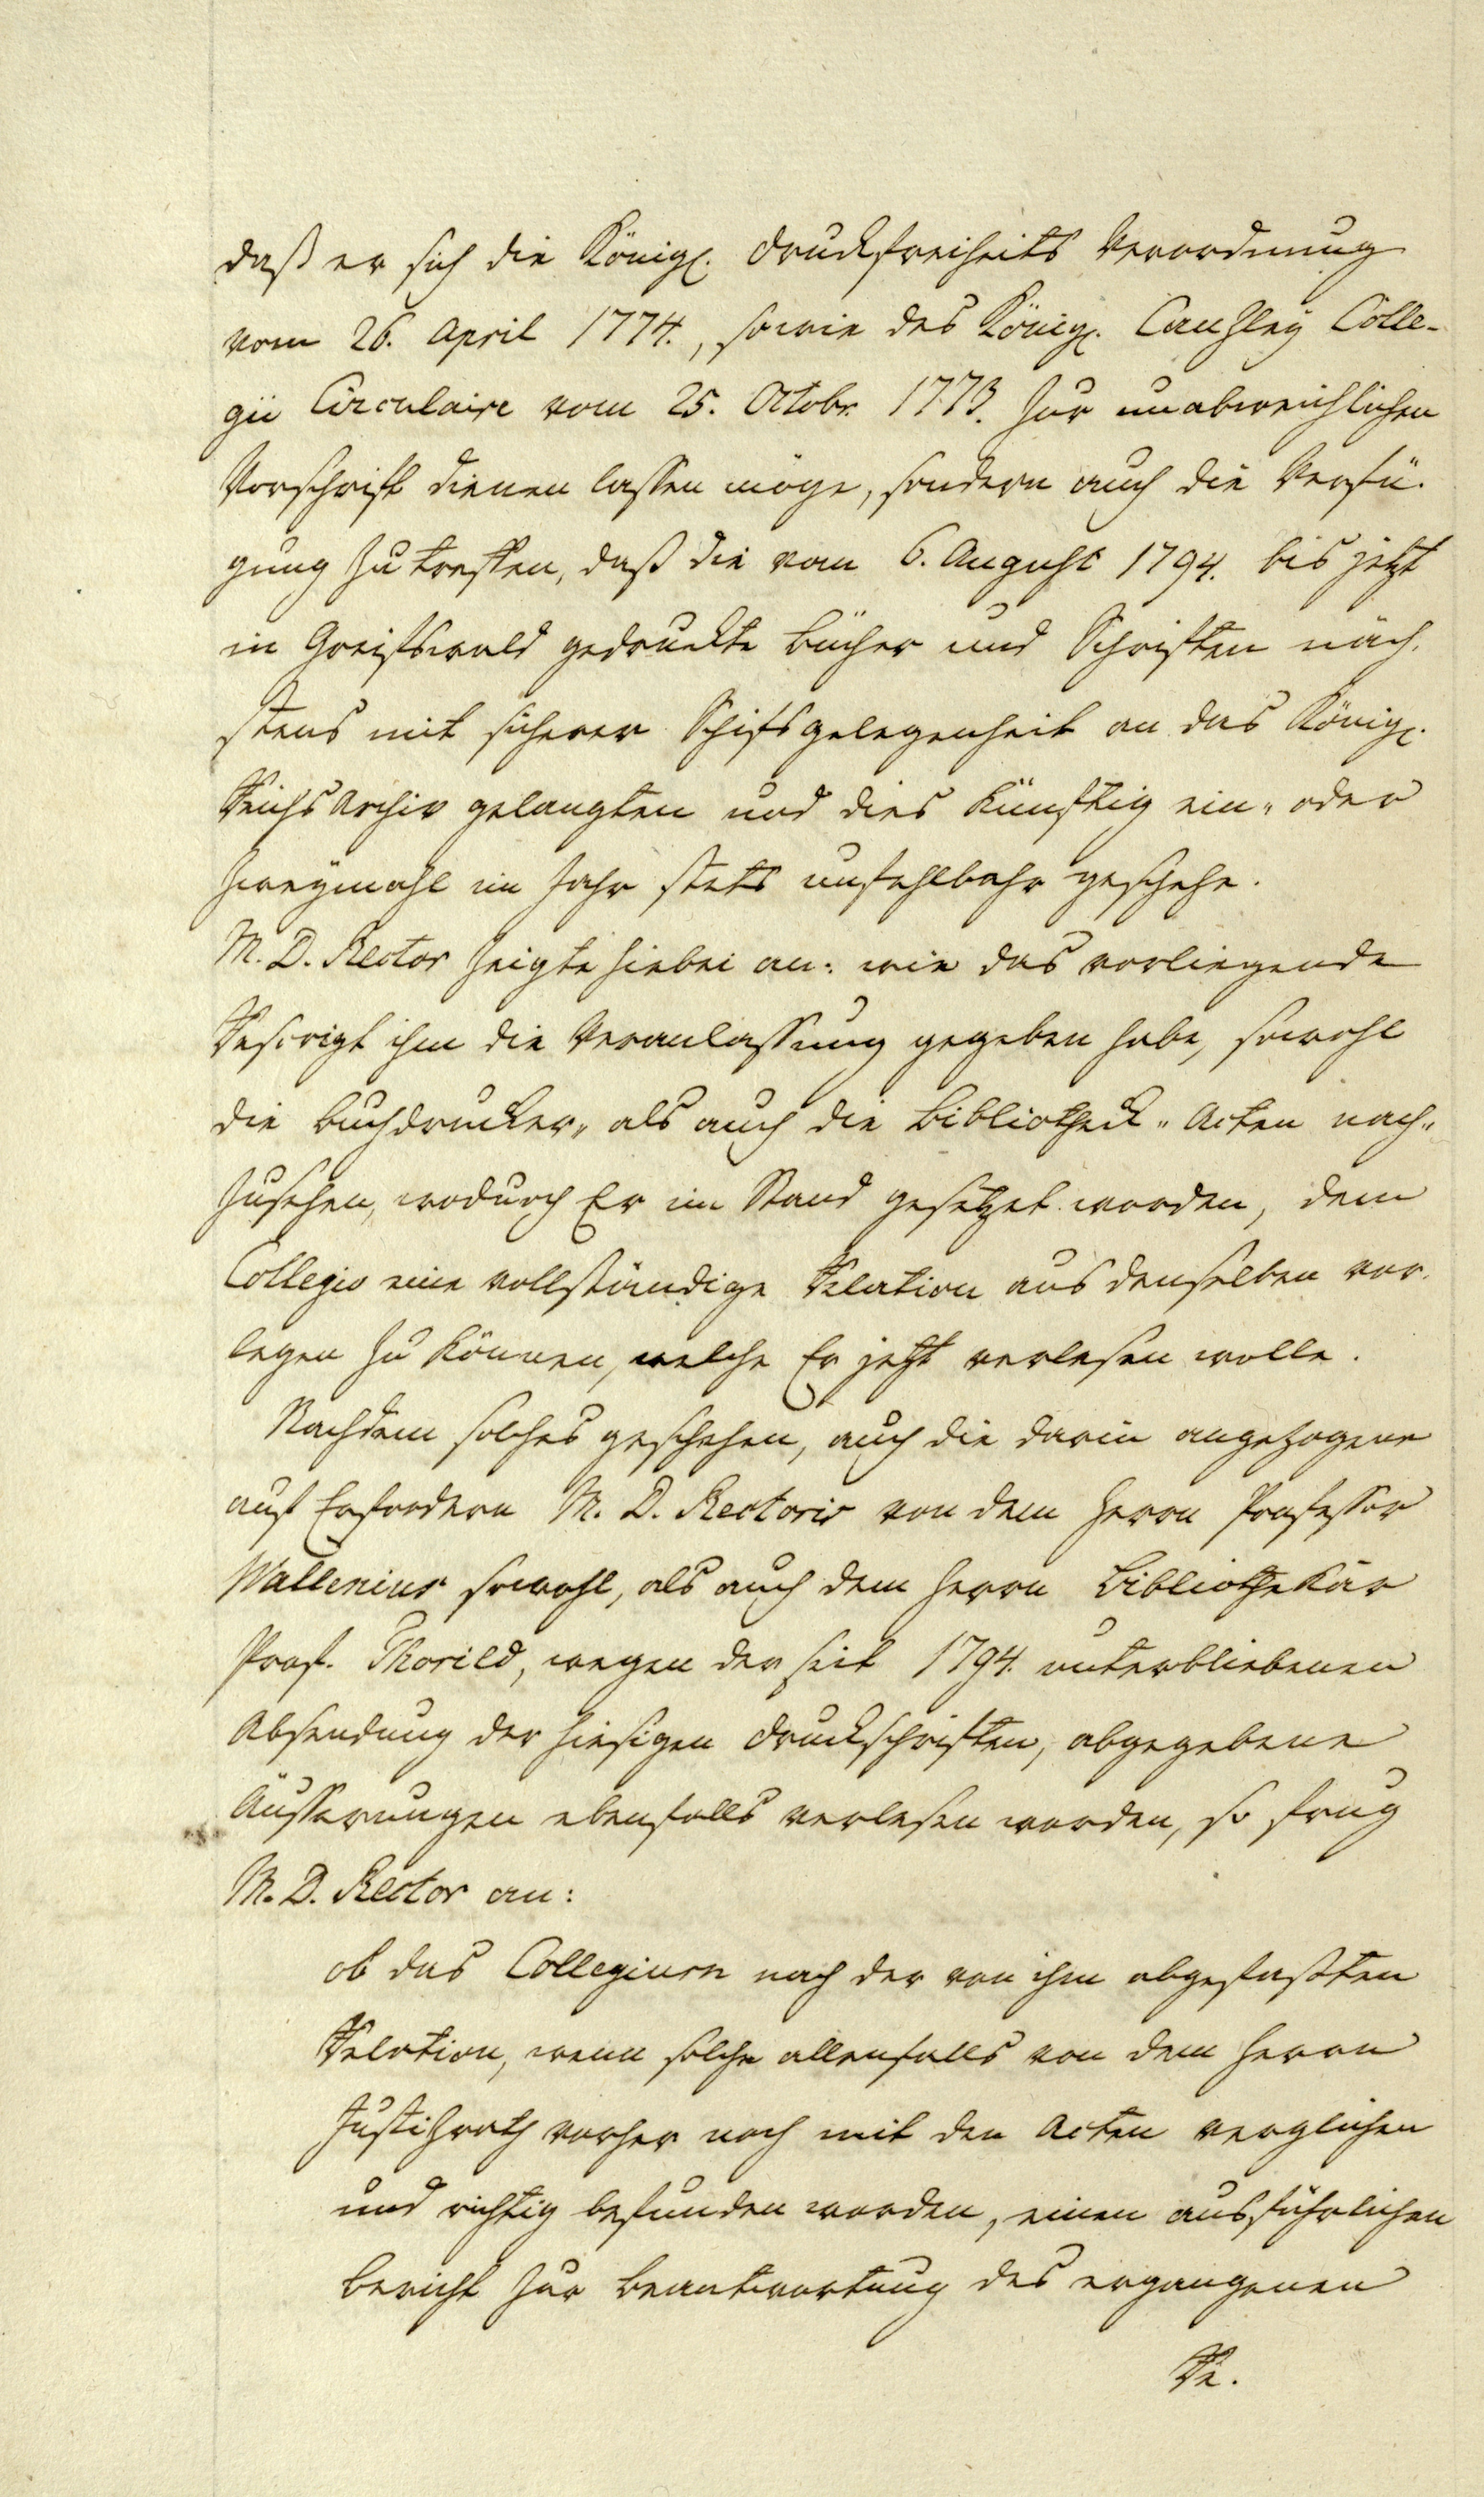daß er sich die Königl. Druckfreiheits Verordnung
vom 26. April 1774., sowie des Königl. Canzleÿ Colle¬
gii Circulaire vom 25. Octobr. 1773. zur unabweichlichen
Vorschrift dienen lassen möge, sondern auch die Verfü¬
gung zu treffen, daß die vom 6. August 1794. bis jetzt
in Greifswald gedruckte Bücher und Schriften näch¬
stens mit sicherer Schifsgelegenheit an das Königl.
Reichs Archiv gelangten und dies künftig ein- oder
zweÿmahl im Jahr stets unfehlbahr geschehe.
M. D. Rector zeigte hiebei an: wie das vorliegende
Rescript ihm die Veranlassung gegeben habe, sowohl
die Buchdrucker- als auch die Bibliotheck-Acten nach¬
zusehen, wodurch Er im Stand gesetzet worden, dem
Collegio eine vollständige Relation aus denselben vor¬
legen zu können, welche Er jetzt verlesen wolle.
Nachdem solches geschehen, auch die darin angezogene
auf Erfordern M. D. Rectoris von dem herrn Professor
Wallenius sowohl als auch dem herrn Bibliothekar
Prof. Thorild, wegen der seit 1794 unterbliebenen
Absendung der hiesigen Druckschriften, abgegebene
Äusserungen ebenfalls verlesen worden, so frug
M. D. Rector an:
ob das Collegium nach der von ihm abgefaßten
Relation, wenn solche allenfalls von dem herrn
Justizrath vorher noch mit den Acten verglichen
und richtig befunden worden, einen ausführlichen
Bericht zur Beantwortung des ergangenen
Re